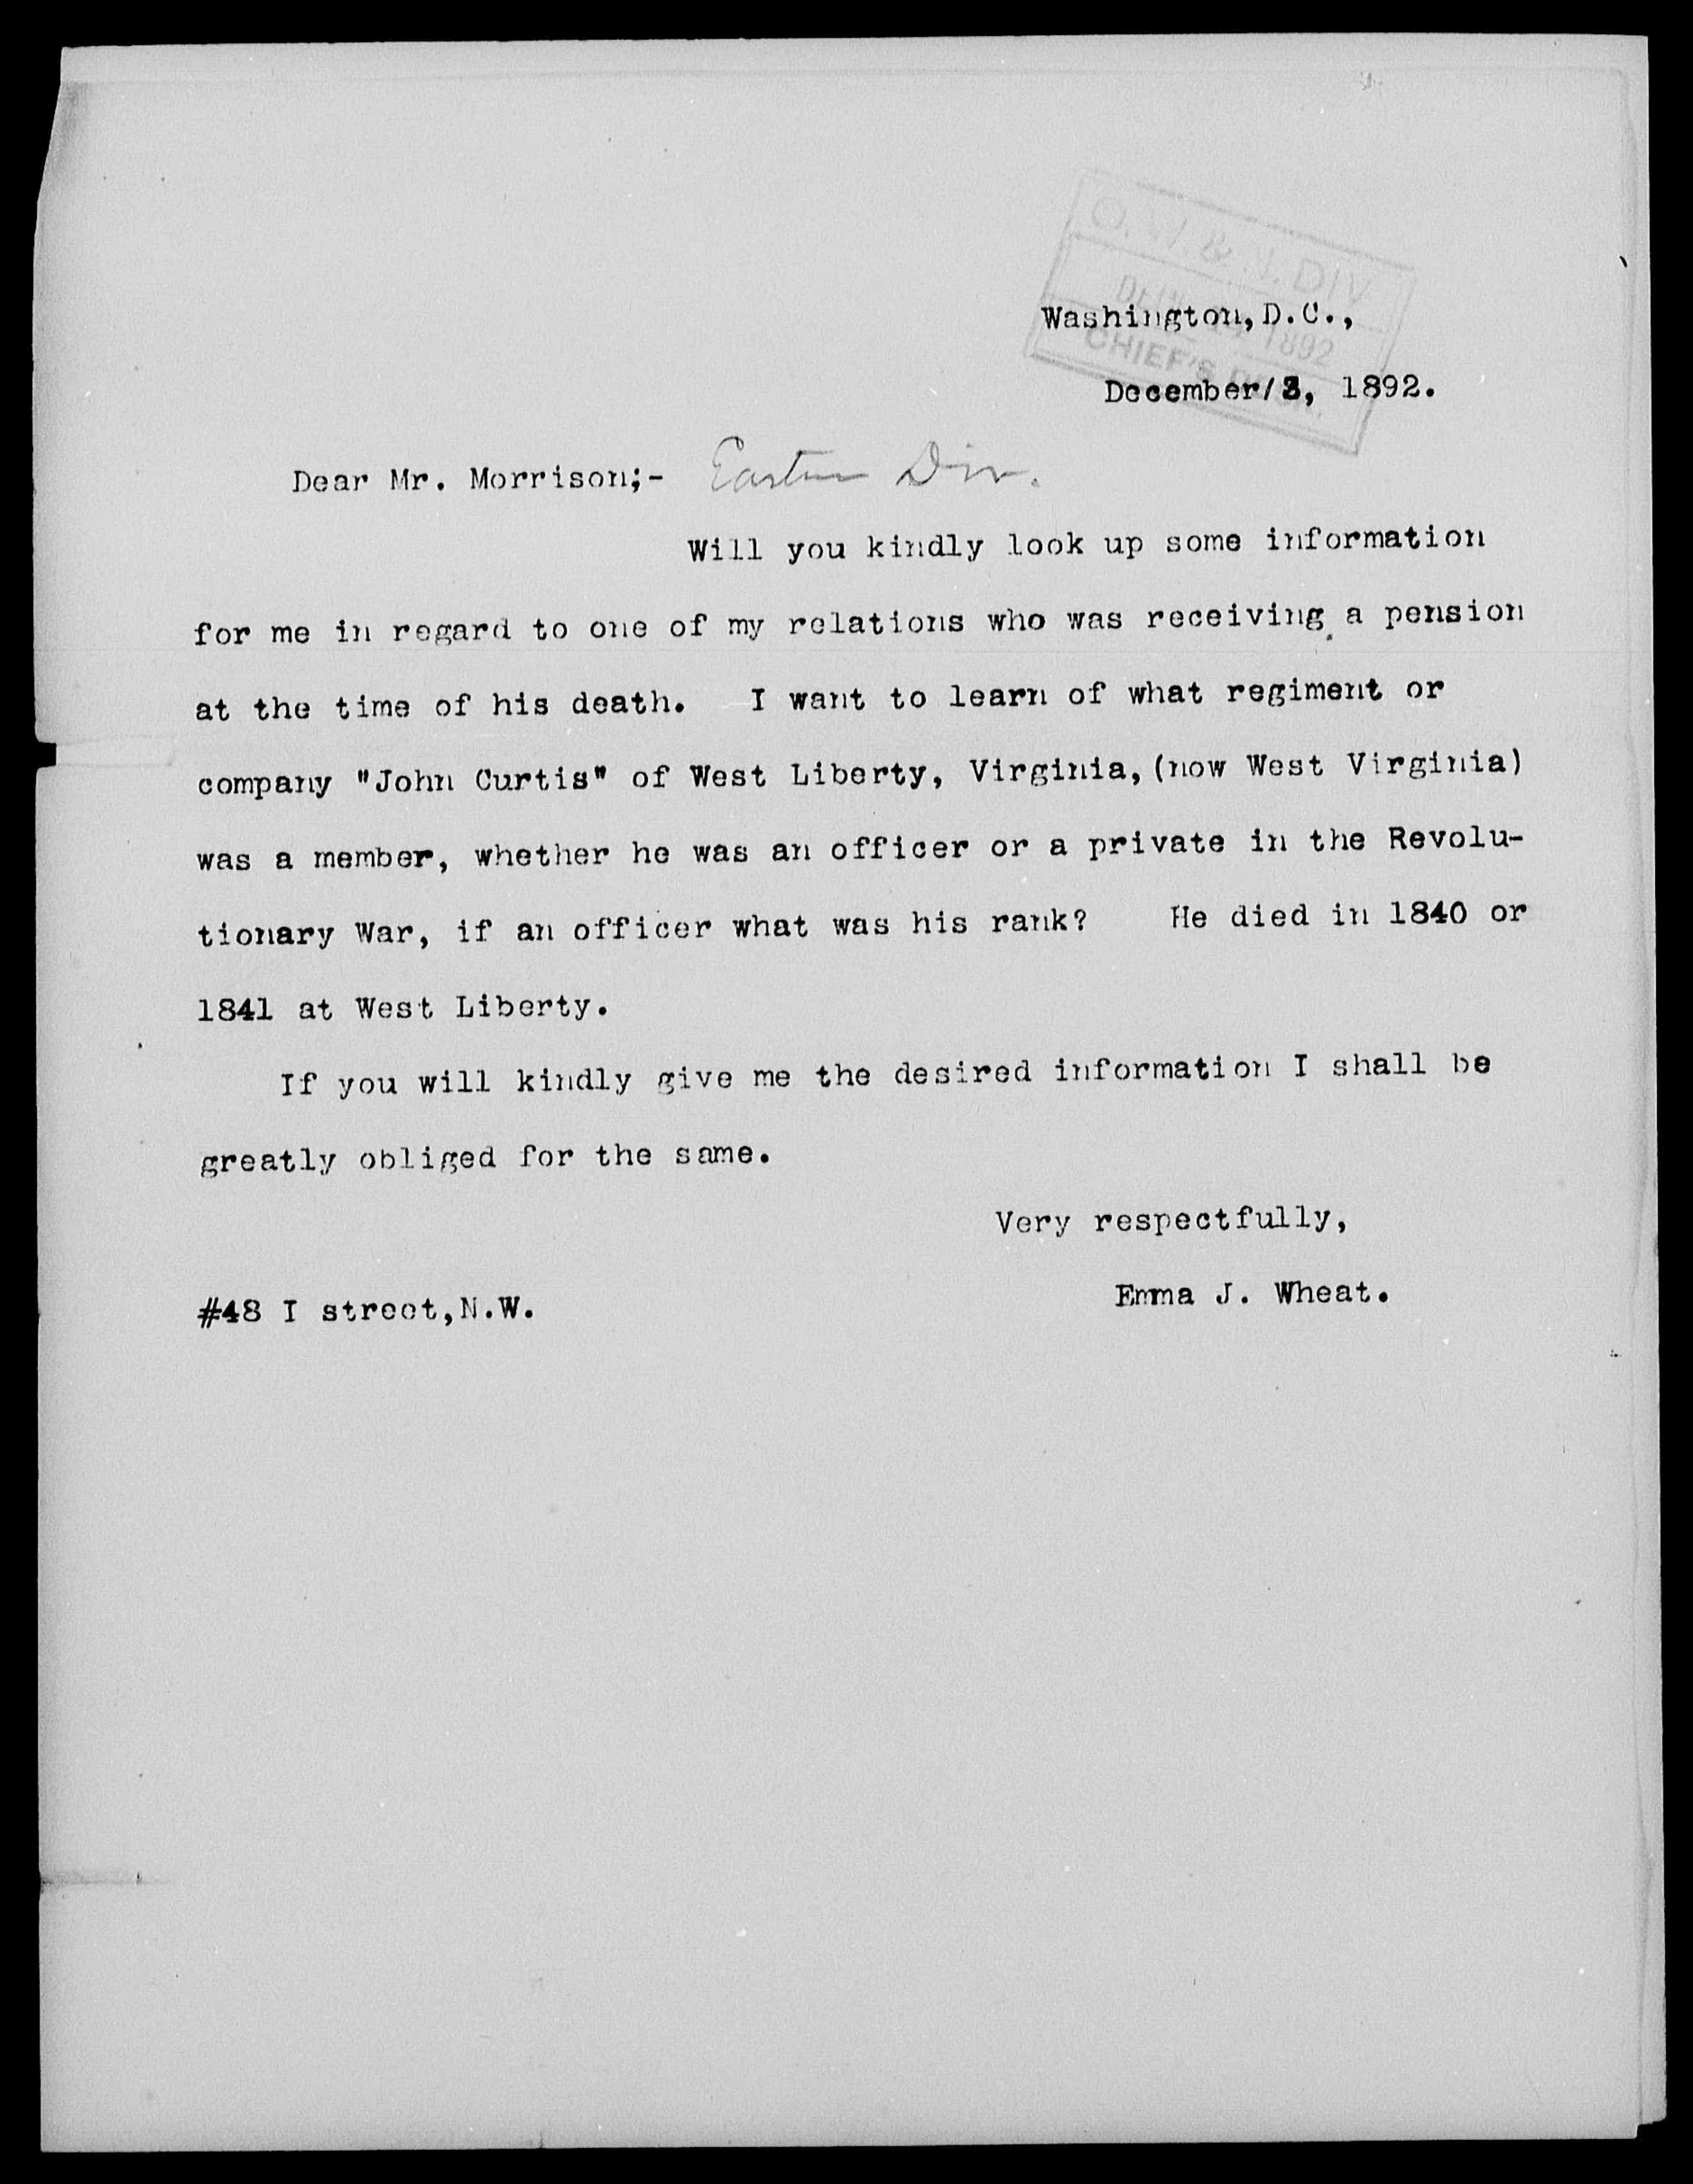Washington, D.C.
December 18, 1892.

Dear Mr. Morrison; - Eastern Div
Will you kindly look up some information
for me in regard to one of my relations who was receiving a pension
at the time of his death. I want to learn of what regiment or
company "John Curtis" of West Liberty, Virginia (now West "Virginia)
was a member, whether he was an officer or a private in the Revolutionary
War, if an officer what was his rank? He died in 1840 or
1841 at West Liberty.

If you will kindly give me the desired information I shall be
greatly obliged for the same.

Very respectfully,
Emma J. Wheat.

#48 I Street, N.W.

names: John Curtis, Morrison, Emma J Wheat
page: 16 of 26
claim: survivor's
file: S. 34,725, John Curtis, Md.